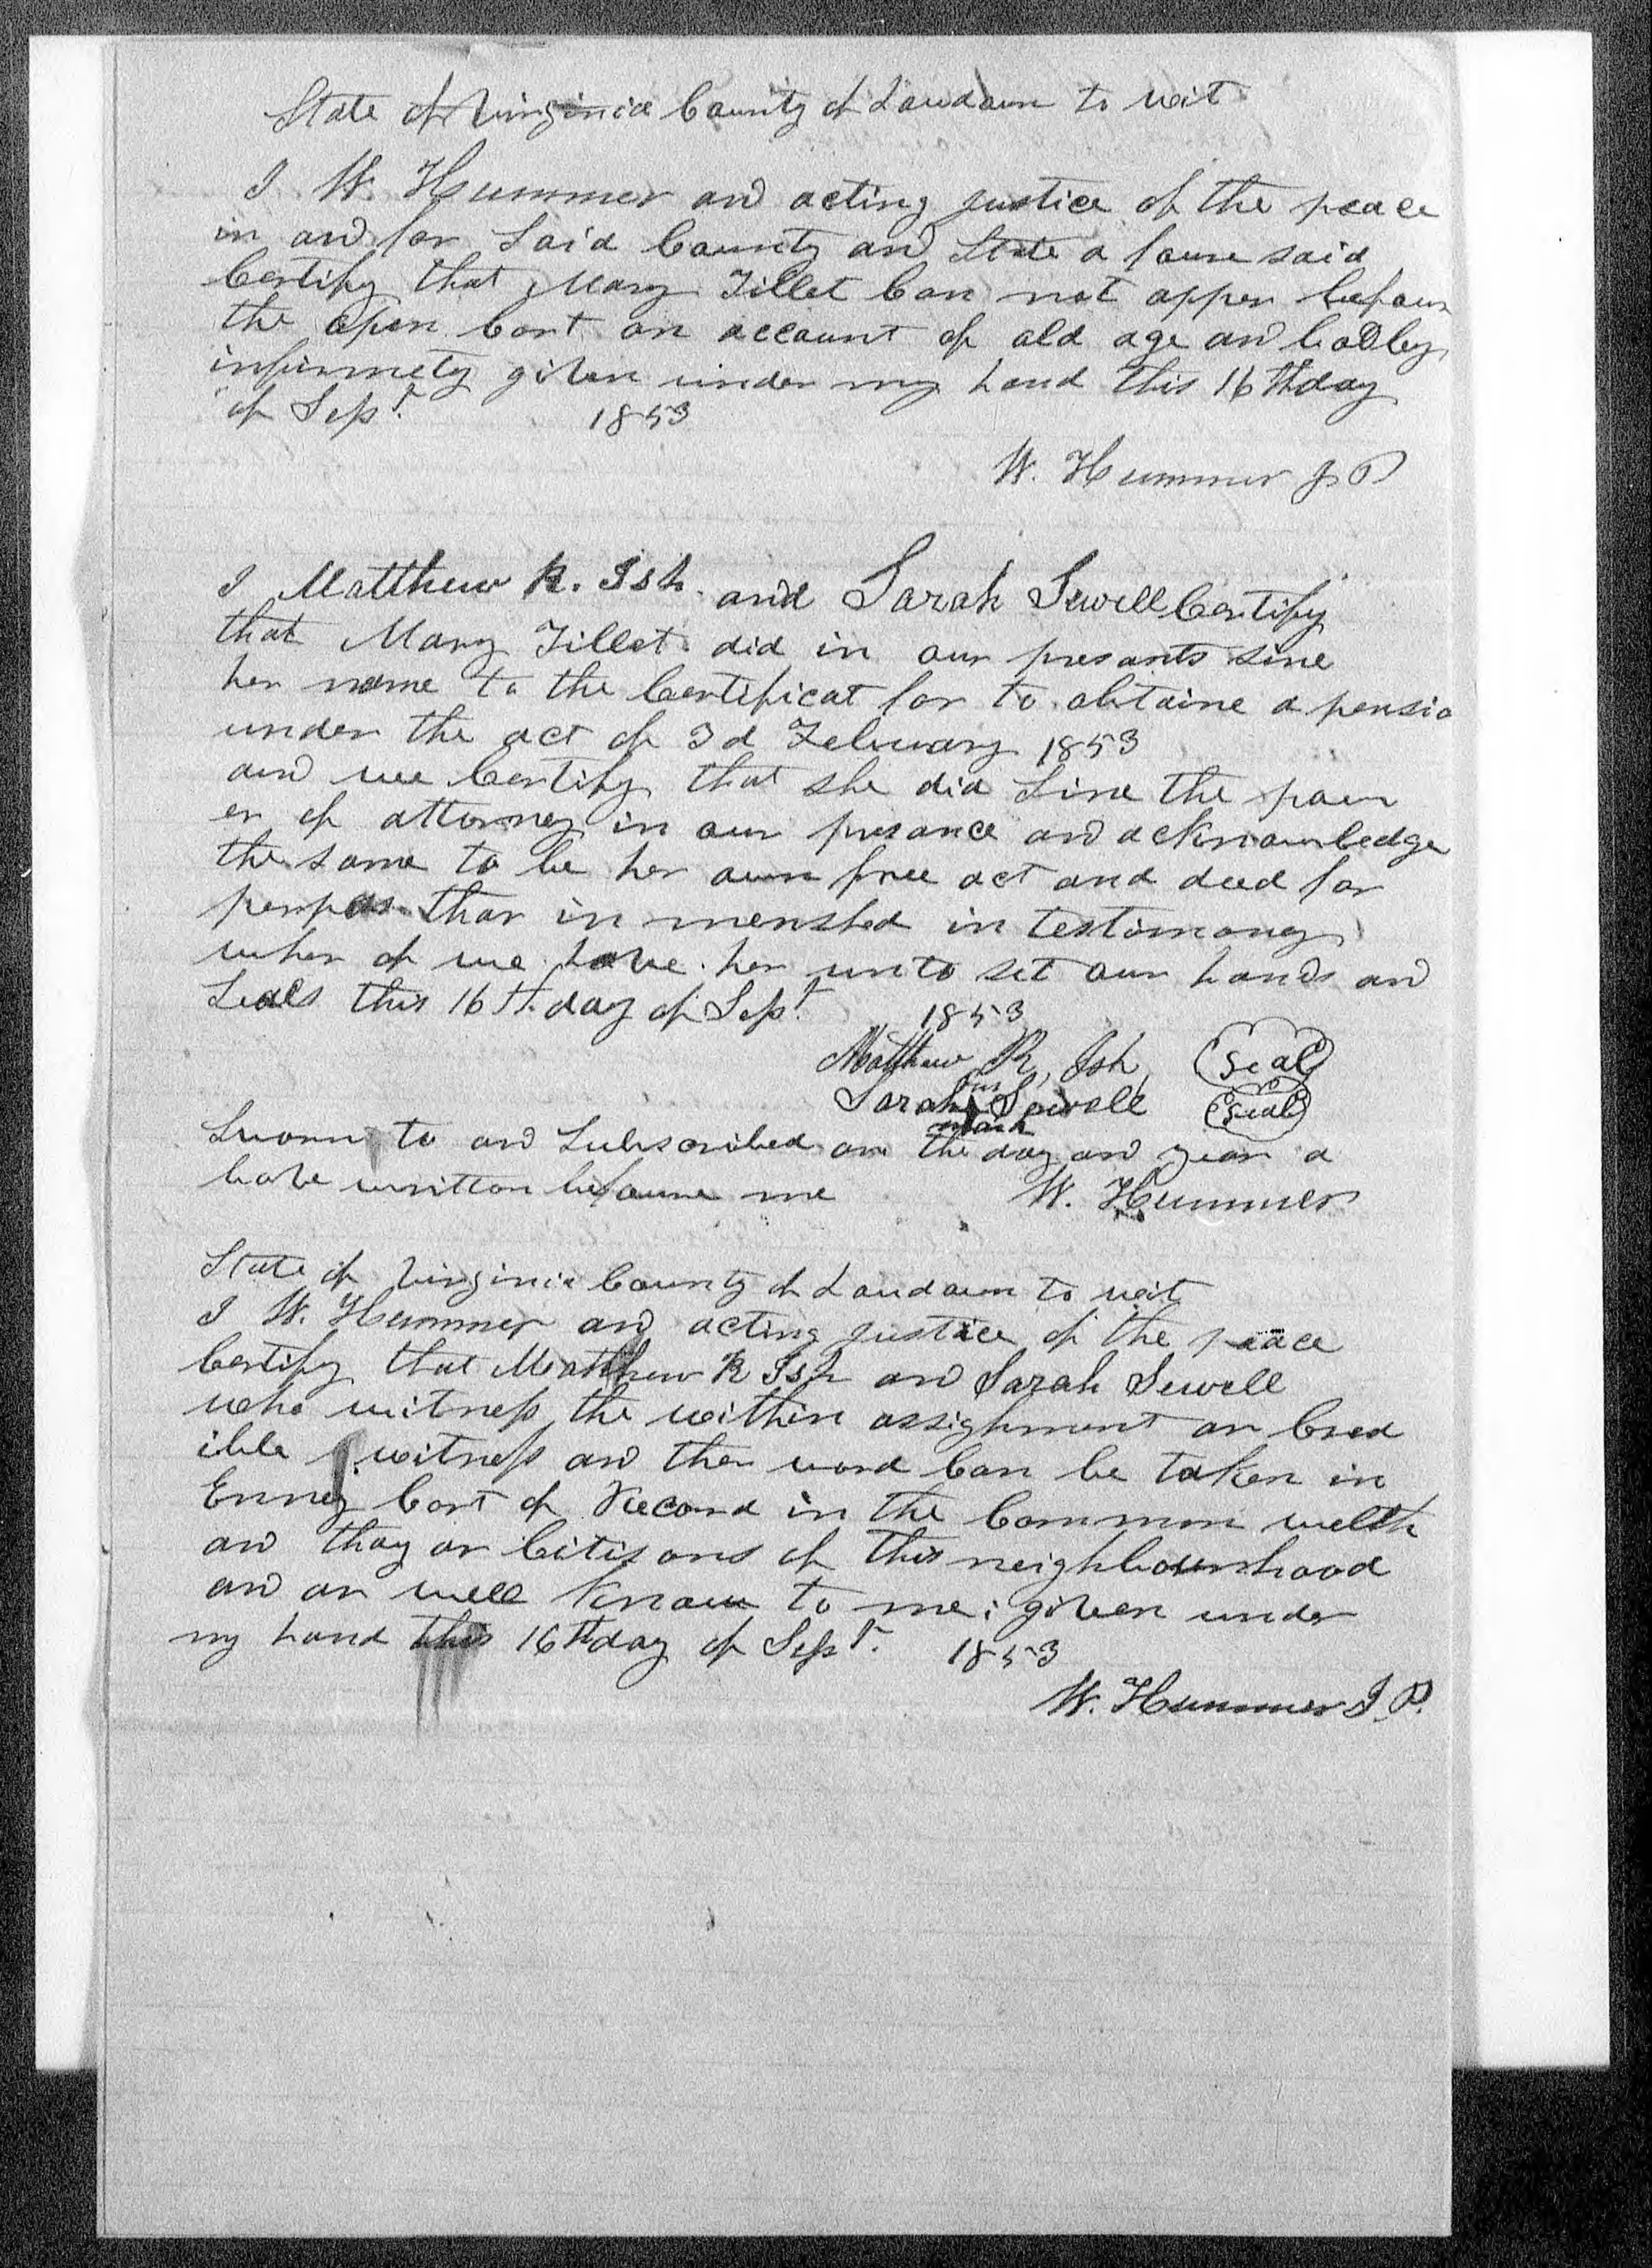State if Virginia County of Loudoun to wit
I W. Hummer and acting Justice of the peace in and for said County and State aforesaid, Certify that Mary Tillet can not appear before the open Court on account of old age and bodley infirmity given under my hand this 16th day of Sept. 1853
W. Hummer J P 

I Matthew R. Ish and Sarah Sewell Certify that May Tillet did in our presants sine her name to the Certificat for to obtain a pensio under the act of 3d February 1853 and we Certify that she did sine the power of attorney in our presance and acknowledge the same to be her own free act and deed for purpos thar in menshed in testimoney wher of me have her unto set our hands and seals this 16th day of Sept. 1853
Matthew R. Ish  {seal}
Sarah herXmark Sewell {seal}
Sworn to and subscribed on the day and year I have written before me    W. Hummer

State of Virginia in County of Loudoun to wit
I W. Hummer and acting Justice of the peace certify that Matthew R. Ish and Sarah Sewell who witness the within assignment are credible witnesses and their word can be taken in Enny Court of Record in the Common wealth and they are citizans of the neighbourhood and are well known to me. given under my hand this 16th day of Sept. 1853
W. Hummer J.P.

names: W Hummer; Mary Tillet; Sarah Sewell; Matthew R Ish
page: 12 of 39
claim: widow's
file: W 6292, for William Jones, Maryland